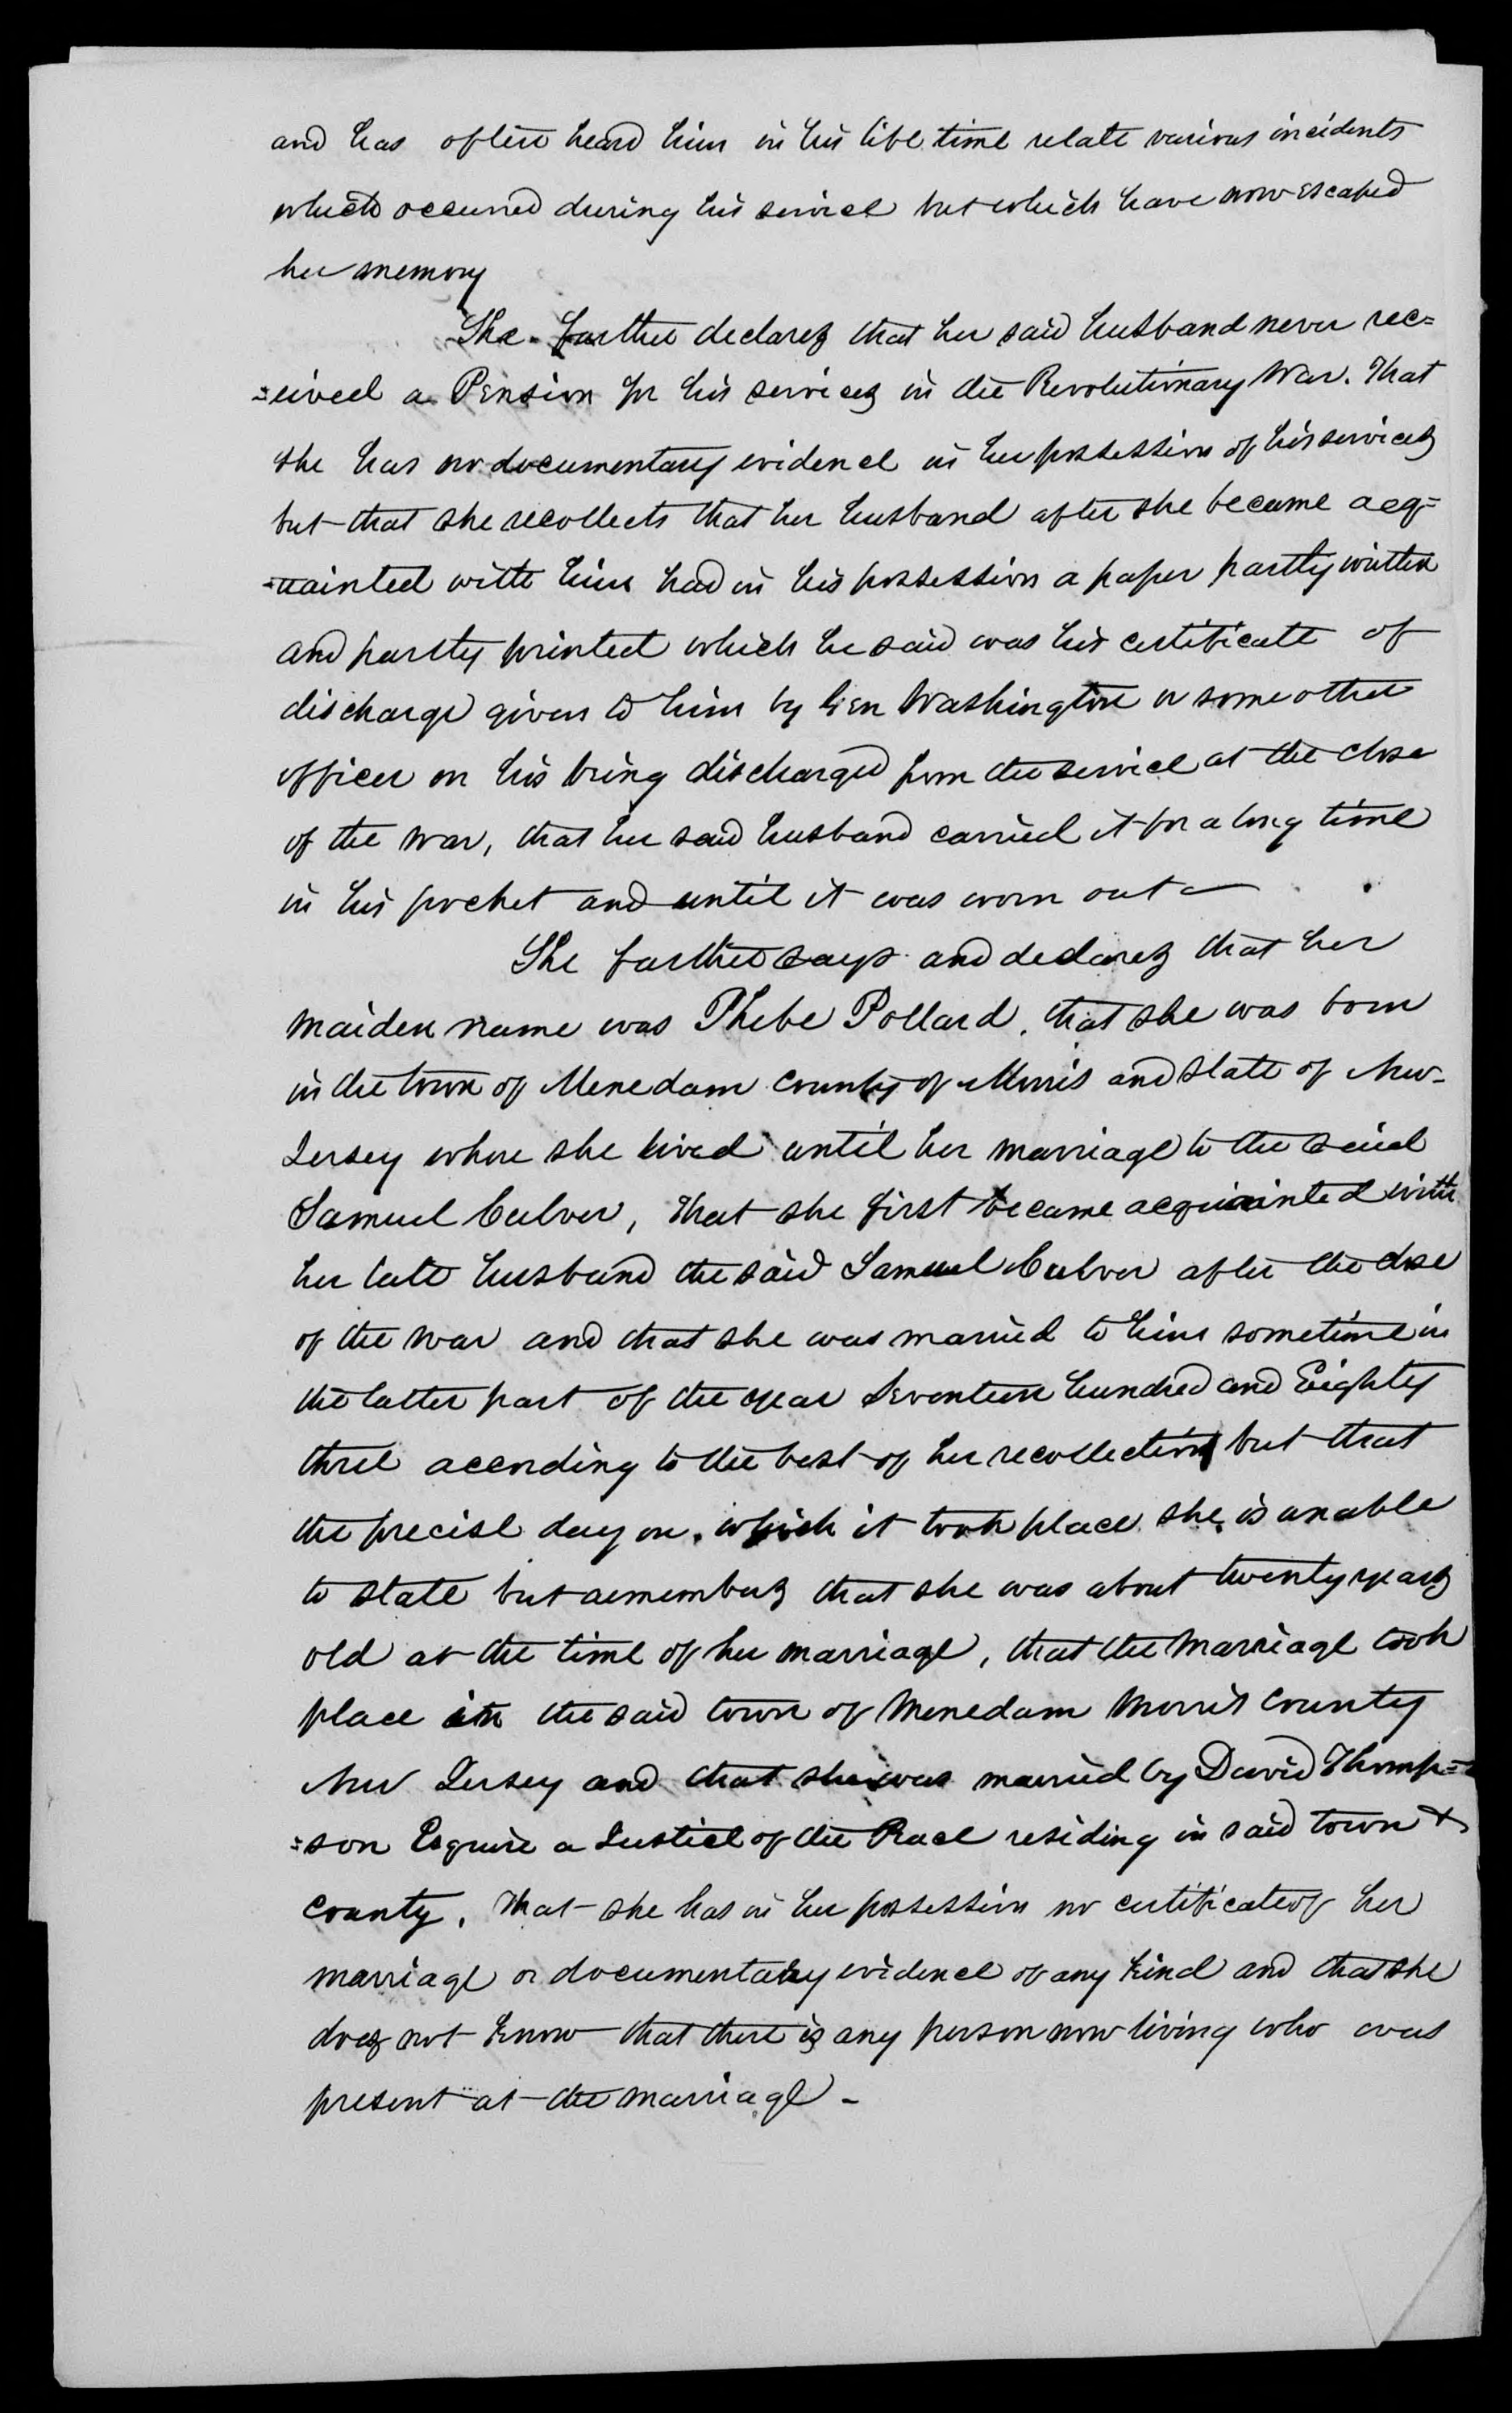and has often heard him in his lifetime relate various incidents
which occurred during his service but which have now escaped
her memory.

	She further declared that her said husband never rec-
eived a Pension for his service in the Revolutionary War.  That
She has no documentary evidence in her possession of his service
But that she recollects that her husband after she became acq-
uainted with him has in his possession a paper partly written 
and partly printed which he said was his certificate of
discharge given to him by Gen Washington or some other
officer on his being discharged from his service at the close
of the war, that her said husband carried it for a long time
in his pocket and until it was worn out – 
	She further says and declares that her
maiden name was Phebe Pollard that she was born
in the town of Mendham County of Morris State of New 
Jersey where she lived until her marriage to the said
Samuel culver.  That she first became acquainted with
her late husband the said Samuel Culver after the close
of the war and that she was married within sometime in
the later part of the year Seventeen Hundred and Eighty 
three according to the best of her recollection but that
the precise day on which it took place she is unable
to state but remembers that she was about twenty years
old at the time of her marriage, that the marriage took
place in the said town of Mendham Morris County
New Jersey and that she was married by David Thomp-
son Esquire a Justice of the Peace residing in said town & 
county.   That – she has in her possession no certificate of 
her marriage or documentary evidence of any kind and that she
does not know that there is any person now living who was
present at the marriage.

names: Samuel Culver, David Thompson, Phebe Pollard, Samuel Culver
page: 12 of 40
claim: rejected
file: R. 1,570, Samuel Culver, New Jersey